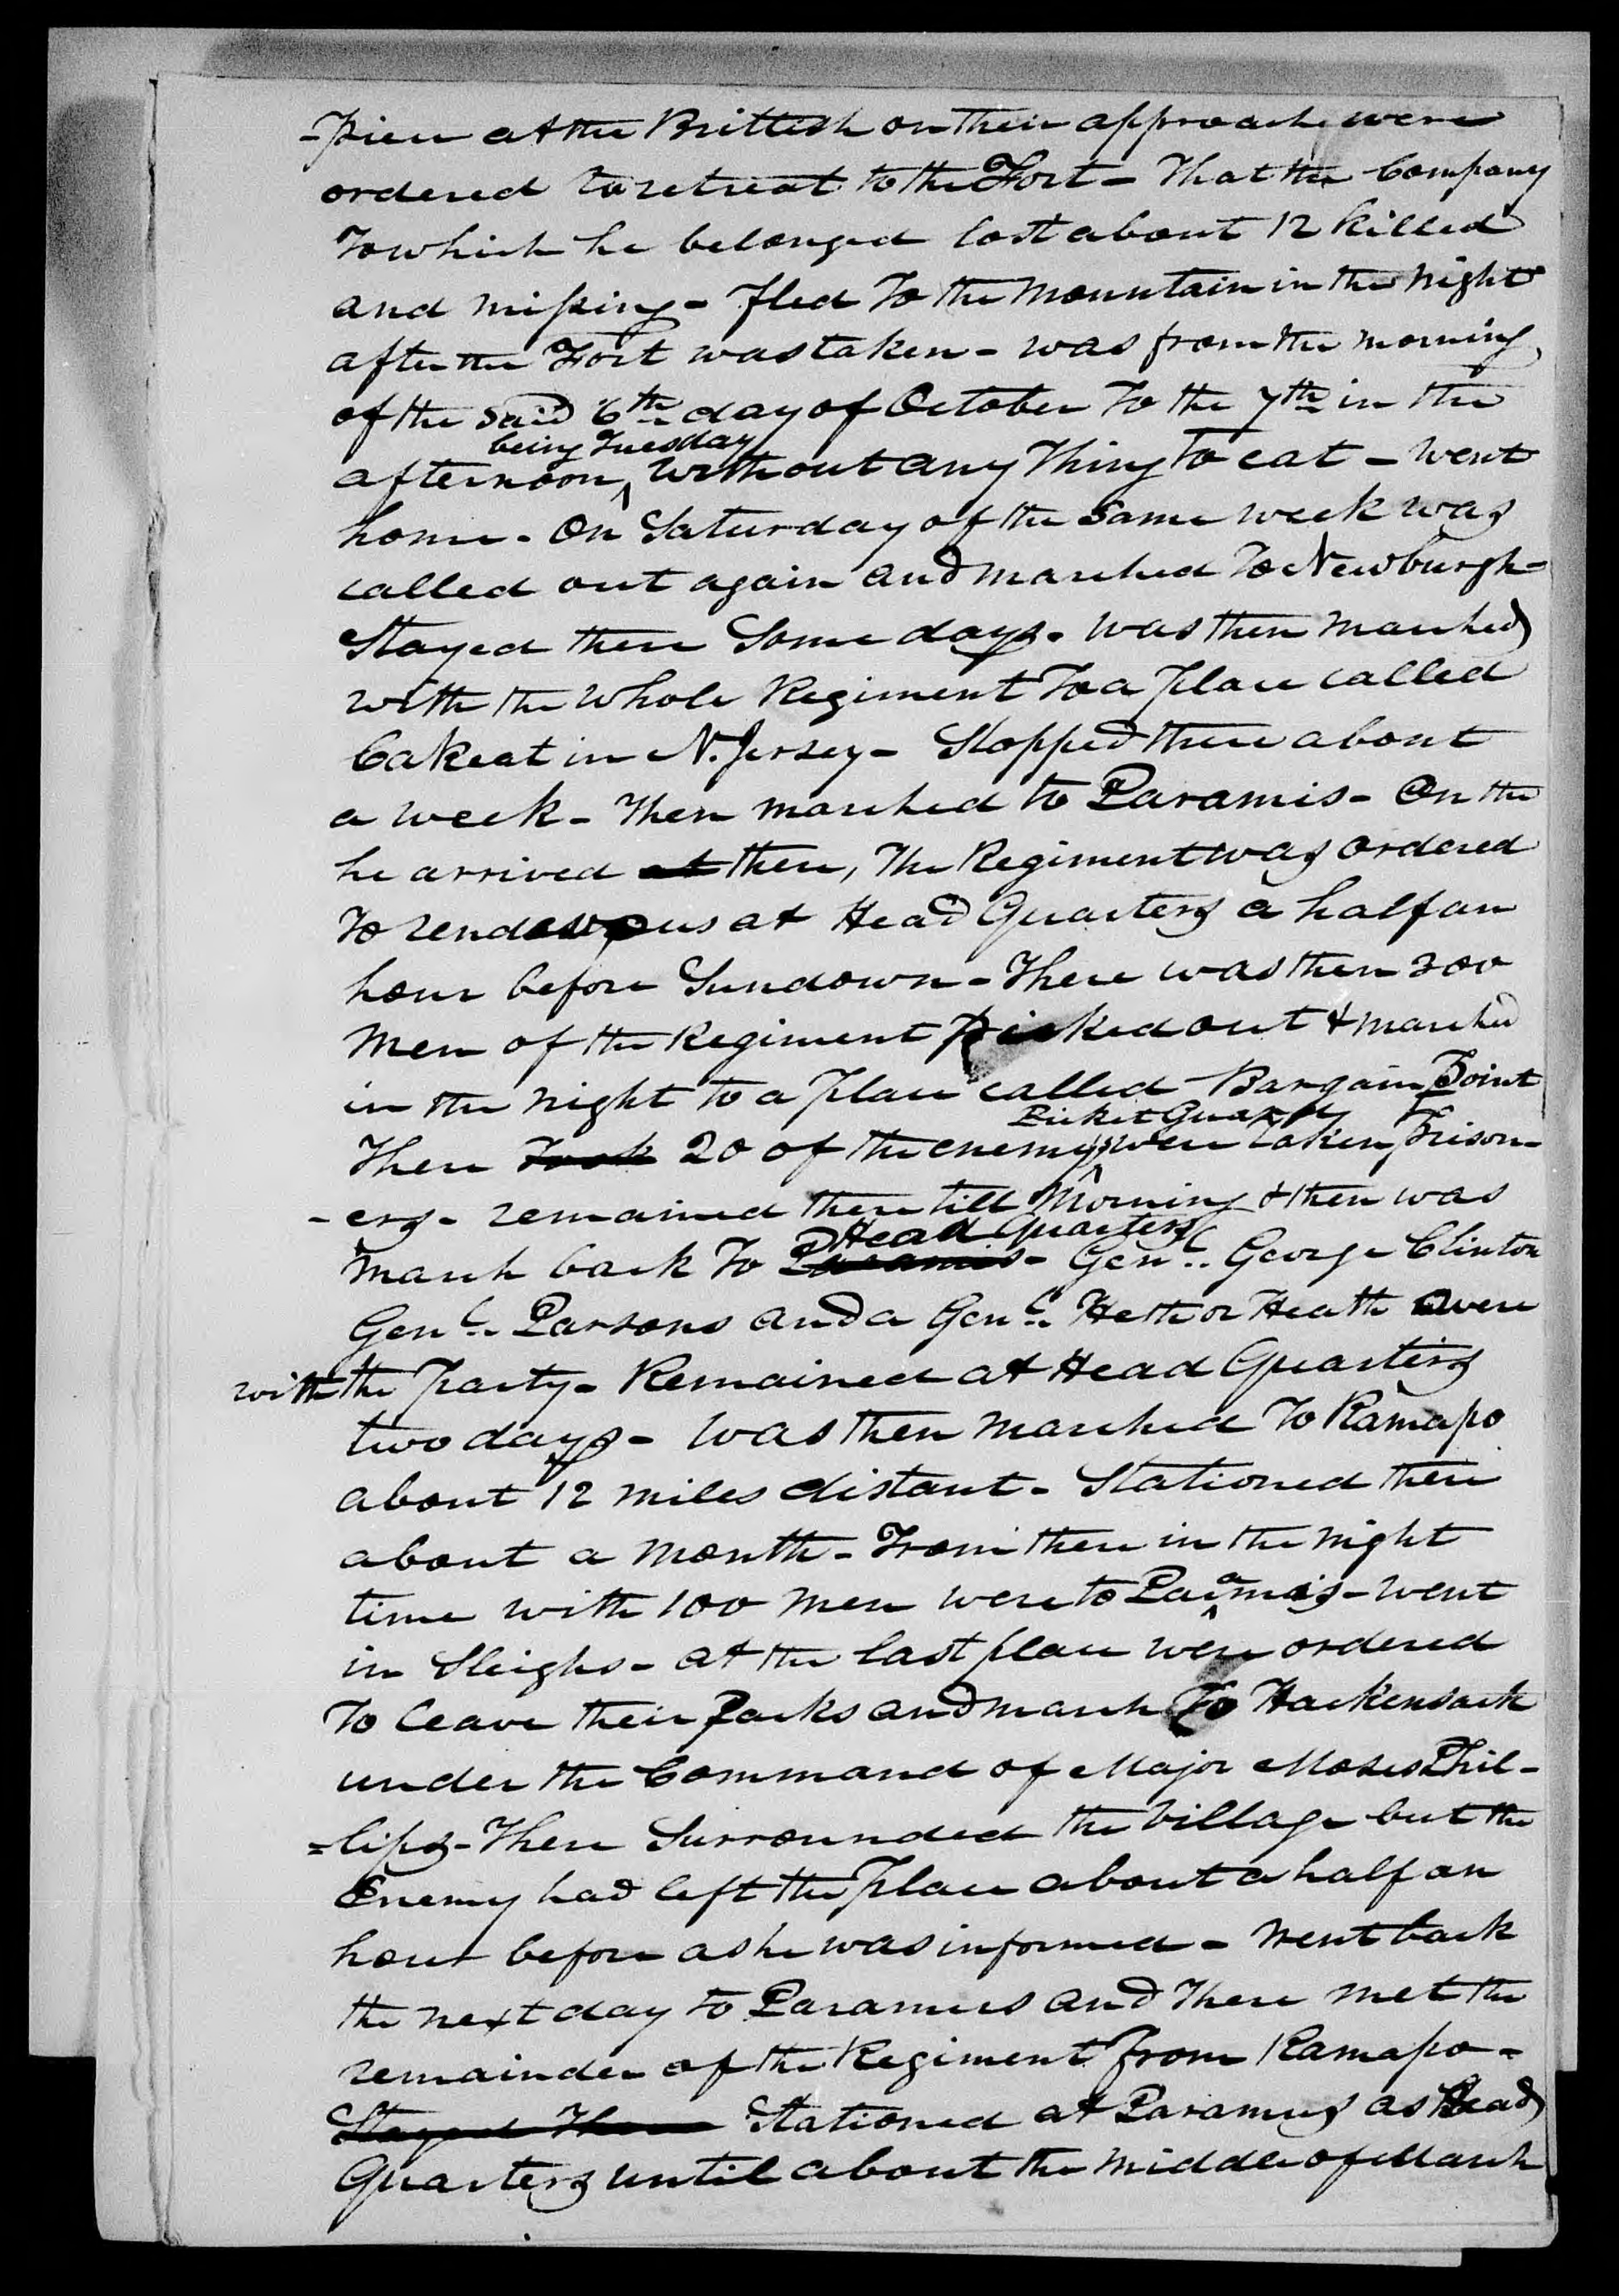piece at the Brittish on their approach were ordered to retreat to the Fort - That the Company To which he belonged lost about 12 killed and missing- fled to the mountain in the night after the Fort was taken - was from the morning of the said 6th day of October to the 7th in the afternoon being Tuesday without any thing to eat-went home. 
on Saturday of the same week was called out again and marched to Newburgh -  stayed there some days - was then marched with the whole Regiment to a place called Cakeat in N Jersey- stopped there about a week. then marched to Paramus- On the he arrived there, the Regiment was ordered to randavous at Head Quarters a half an hour before sundown - 
There was then 200 men of the Regiment picked out & marched in the night to a place called Bargain Point  
Then 20 of the enemy picket guards were taken prisoners - remained there till morning & then was March back to Head Quarters -
Genl George Clinton Genl Parsons and a Gen Heth or Heath were with the party- 
Remained at Head Quarters two days-- was then marched to Ramapo about 12 miles distant. Stationed then about a month  - 
from there in the night time with 100 men went to Paramus  - went in sleighs - at the last place were ordered to leave their packs and march to Hackensack under the command of Major Moses Phillips - 
there surrounded the village but the Enemy had left the place about half an hour before he was informed - went back the next day to Paramus and there met the remainder of the Regiment from Ramapo stationed at Paramus as head Quarters until about the middle of March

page: 14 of 30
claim: survivor's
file: S. 13,873, for William Mapes, New York